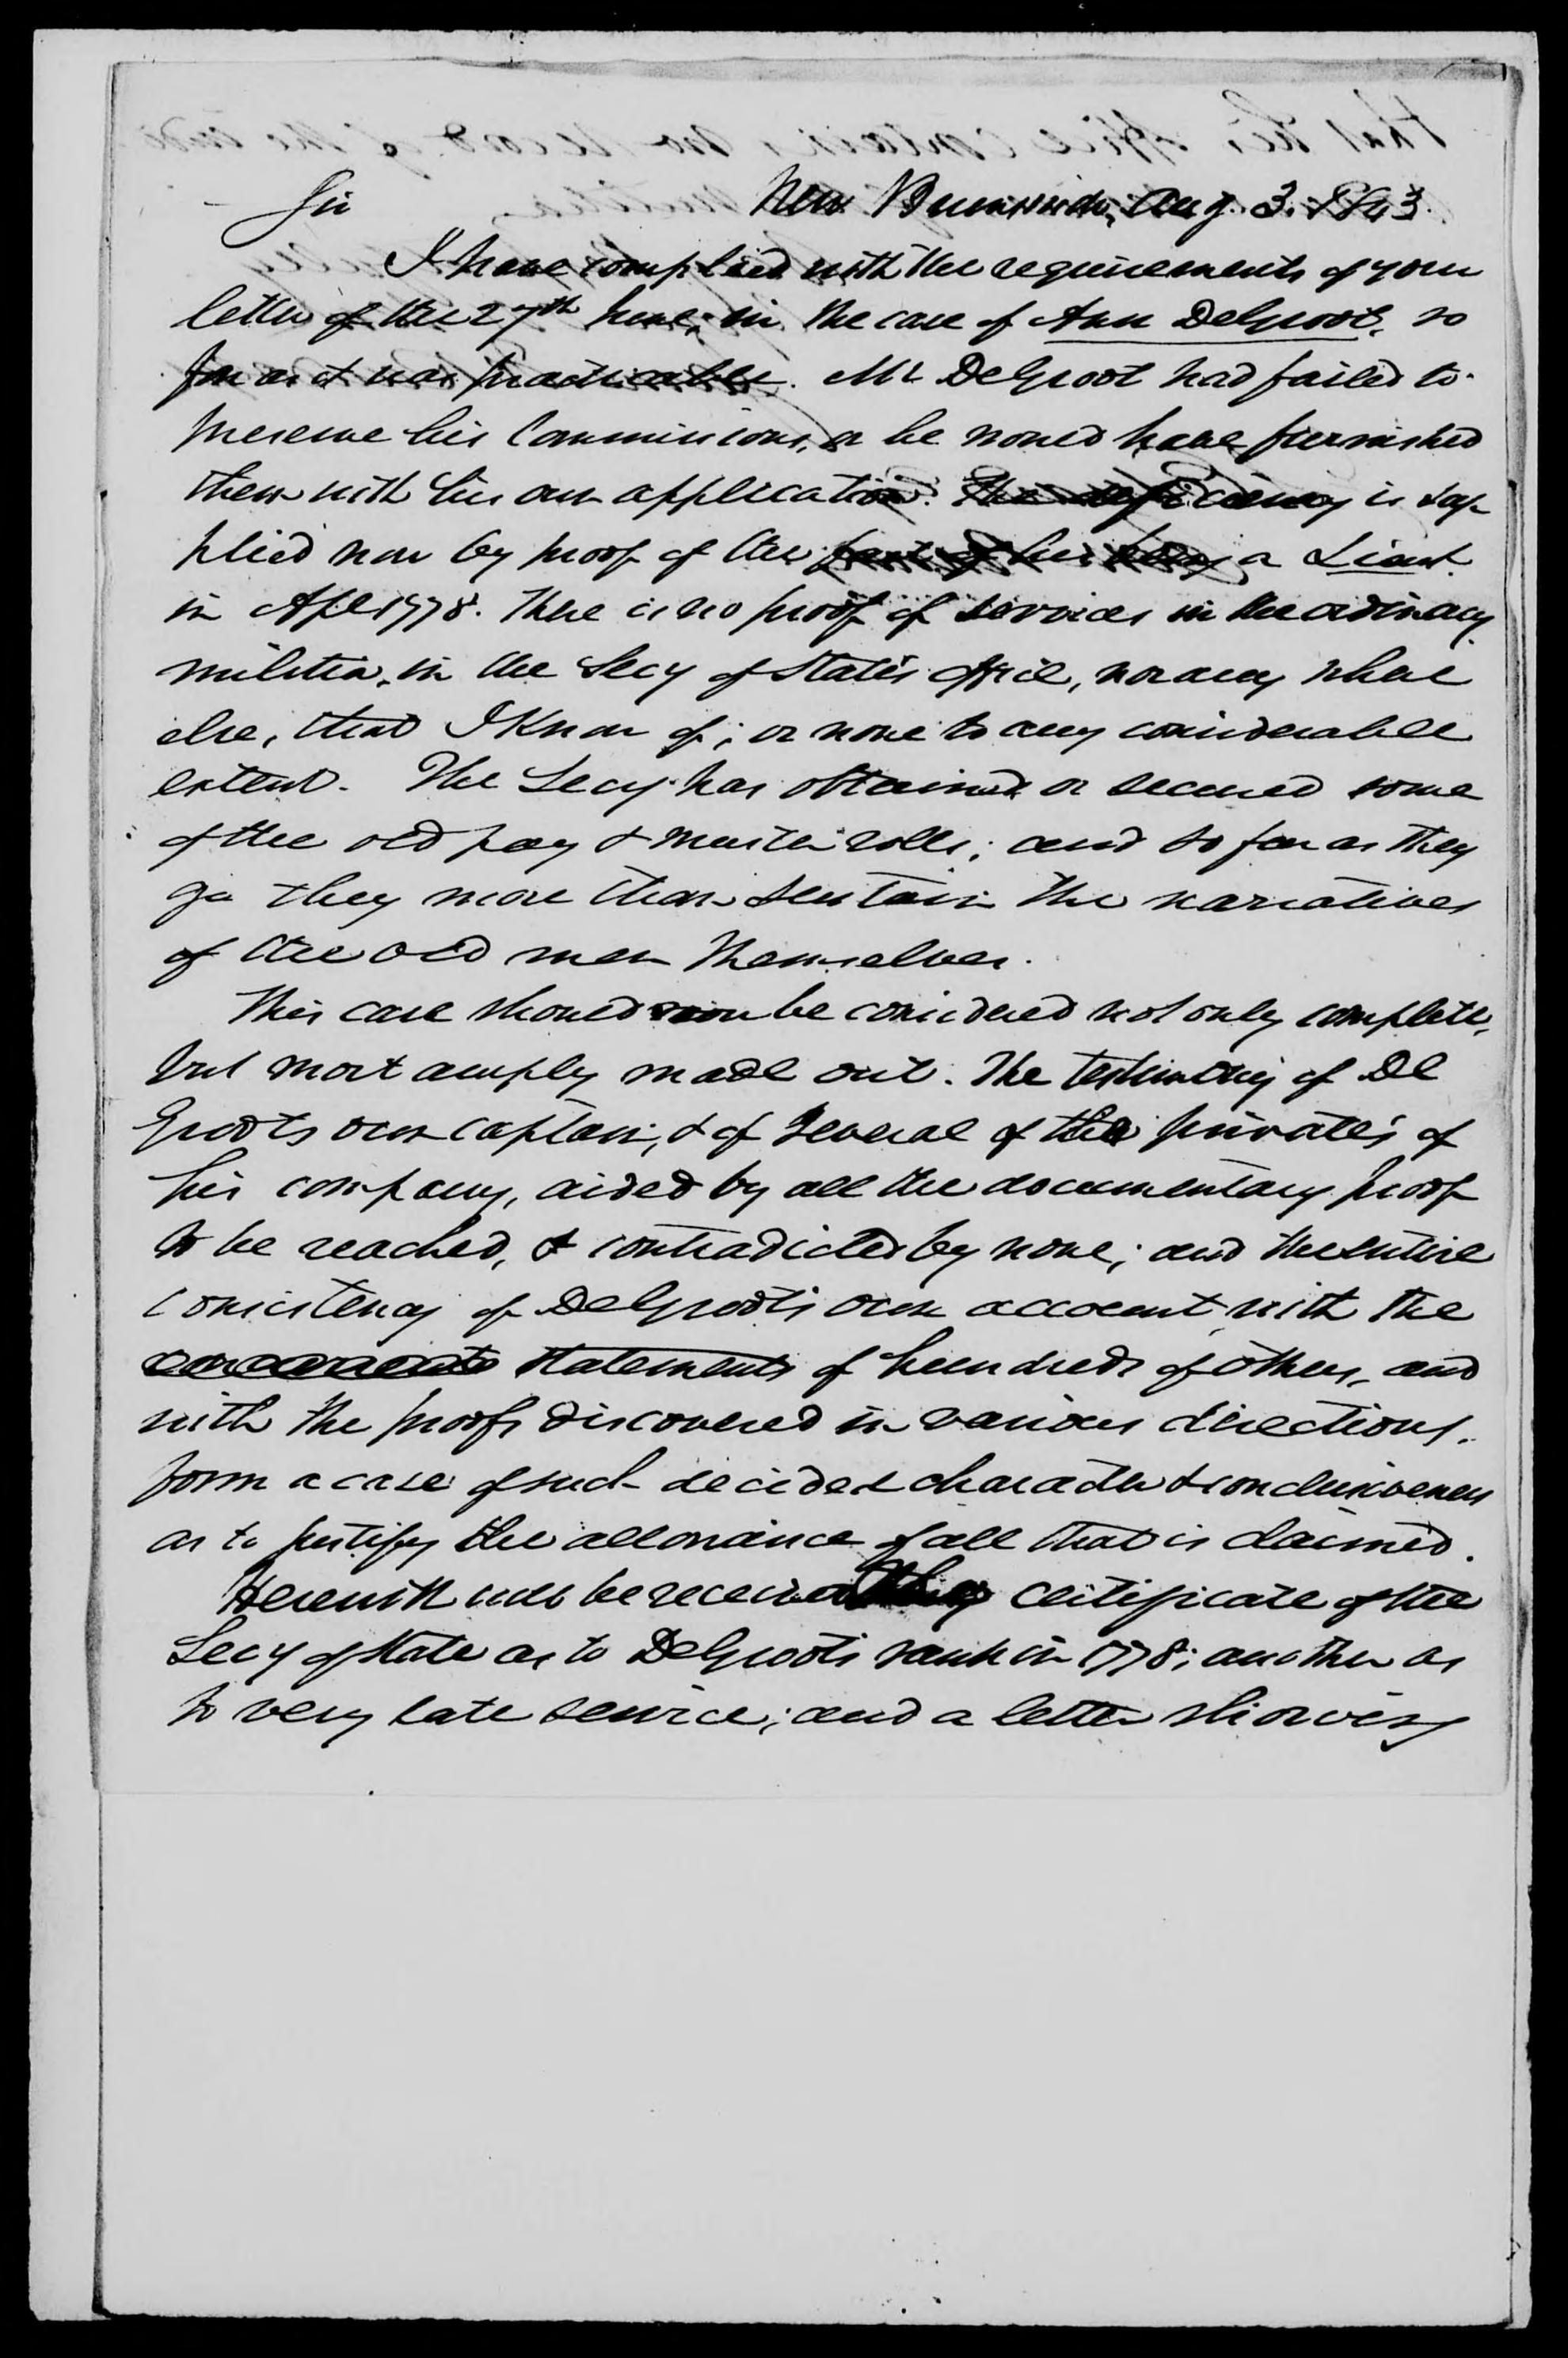New Brunswick, Aug. 3, 1843
Sir,
I have complied with the requirements of your letter of the 27th Inst, in the case of Ann De Groot, so far as it was practicable. Mr De Groot had failed to preserve his commissions, or he would have furnished them with his [illegible] application. The deficiency is supplied now by proof of [illegible] a Lieut in Apl 1778. There is no proof of service in the ordinary militia in the Secy of State's office, nor any where else, that I know of, or none to any considerable extent.  The Secy has obtained or secured some of the old pay & master rolls, and so far as they go they more than sustain the narrative of the old man themselves.
This case should soon be considered not only complete but most amply made out. The testimony of De Groots own captain & of several of the privates of his company, aided by all the documentary proof to be reached, & contradicted by none, and the entire consistency of De Groot's own account with the [word crossed out] statements of hundreds of others, and with the proofs discovered in various directions form a case of decided character & conclusiveness as to justify the allowance of all that is claimed.
Herewith [illegible] certificate of the Secy of State as to De Groot's rank in 1778; another as to very late service; and a letter showing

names: De Groot, De Groot, Ann De Groot, De Groot, De Groot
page: 28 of 77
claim: widow's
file: W. 417, William De Groot, New Jersey